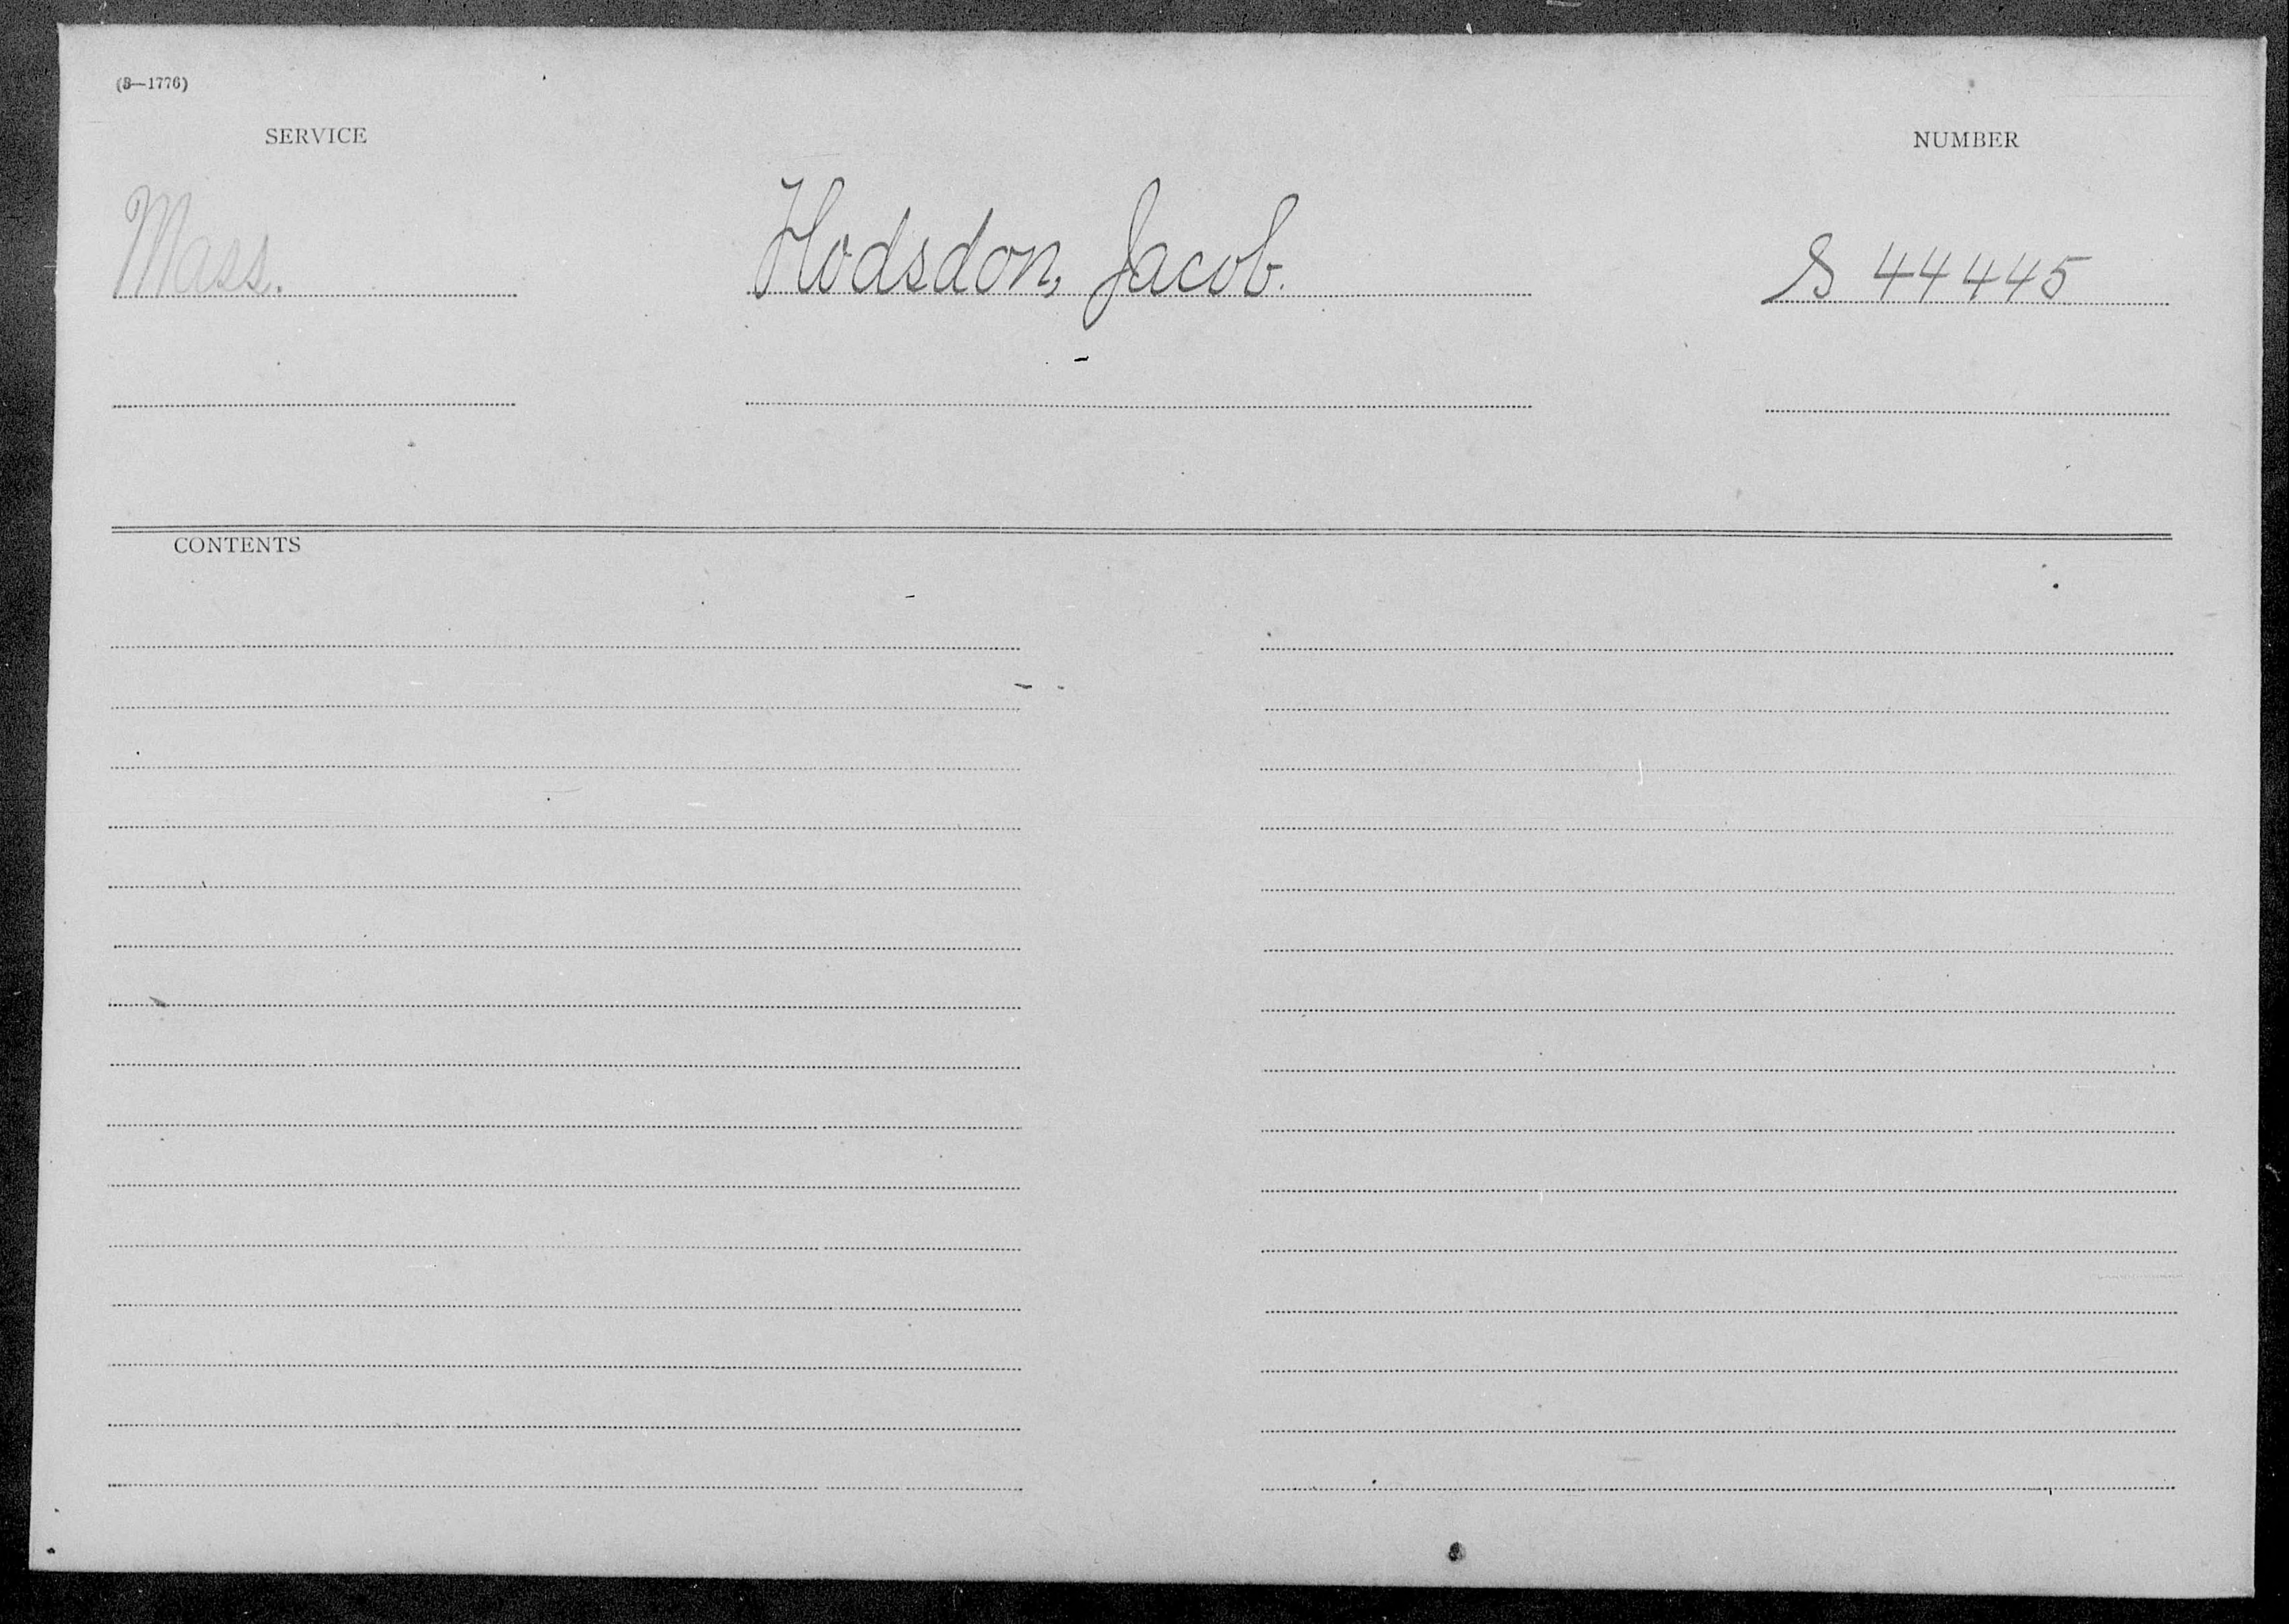(3--1776)
SERVICE | NUMBER
Mass. | Hodsdon, Jacob | S44445
CONTENTS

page: 1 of 22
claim: survivor's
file: S 44445, Jacob Hodsdon, Mass.